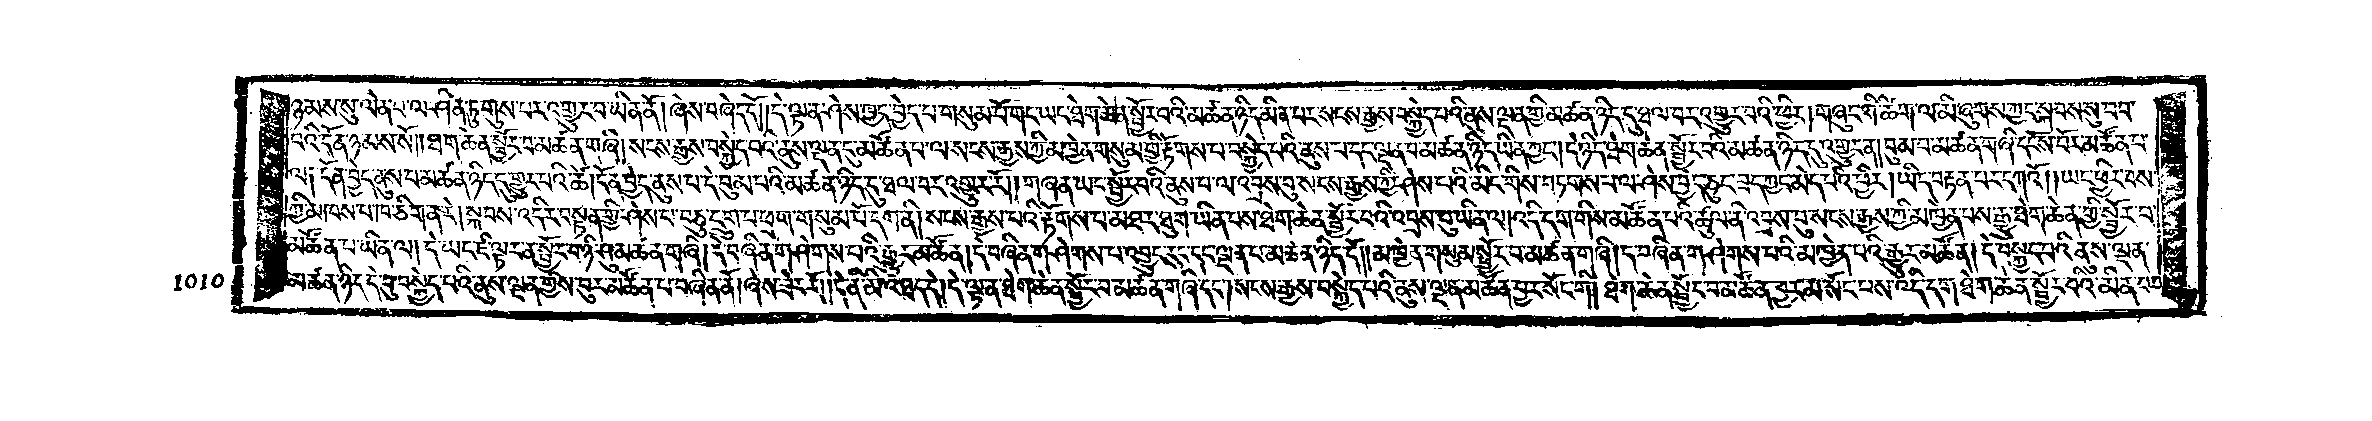ཉམས་སུ་ལེན་པ་ལ་ཤིན་ཏུ་གུས་པར་འགྱུར་བ་ཡིན་ནོ། ཞེས་བཞེད་དོ། །དེ་ལྟ་ན་ཤེས་ཁྱད་བྱེད་པ་གསུམ་པོ་གང་ཡང་ཐེག་ཆེན་སྦྱོར་བའི་མཚན་ཉིད་མིན་པར་སངས་རྒྱས་བསྐྱེད་པའི་ནུས་ལྡན་གྱི་མཚན་ཉིད་དུ་ཐལ་བར་འགྱུར་བའི་ཕྱིར། གཞུང་གི་ཚིག་ལ་མི་ཞུགས་ཀྱང་སྐབས་སུ་བབ་
པའི་དོན་ཉམས་སོ། །ཐེག་ཆེན་སྦྱོར་བ་མཚན་གཞི། སངས་རྒྱས་བསྐྱེད་པའི་ནུས་ལྡན་དུ་མཚོན་པ་ལ་སངས་རྒྱས་ཀྱི་མཁྱེན་གསུམ་གྱི་རྟོགས་པ་བསྐྱེད་པའི་ནུས་པ་དང་ལྡན་པ་མཚན་ཉིད་ཡིན་ཀྱང་། དེ་ཉིད་ཐེག་ཆེན་སྦྱོར་བའི་མཚན་ཉིད་དུ་འགྱུར་ན། བུམ་པ་མཚན་གཞི་དངོས་པོར་མཚོན་པ་
ལ༑ དོན་བྱེད་ནུས་པ་མཚན་ཉིད་དུ་གྱུར་བའི་ཚེ། དོན་བྱེད་ནུས་པ་དེ་བུམ་པའི་མཚན་ཉིད་དུ་ཐལ་བར་འགྱུར་རོ། །གཞན་ཡང་སྦྱོར་བའི་ནུས་པ་ལ་འབྲས་བུ་སངས་རྒྱས་ཀྱི་ཤེས་པའི་མིང་གིས་བཏགས་པ་ལ་ཤེས་བྱེད་ཅུང་ཟད་ཀྱང་མེད་པའི་ཕྱིར། ཡིད་བརྟན་པར་དཀའོ། །ཡང་ཕྱིར་བས་
ཀྱི་མཁས་པ་ཁ་ཅིག་ན་རེ། སྐབས་འདིར་བསྟན་གྱི་ཤེས་པ་བཅུ་དྲུག་པ་པྲག་གསུམ་པོ་དག་ནི། སངས་རྒྱས་པའི་རྟོགས་པ་མཐར་ཐུག་ཡིན་པས་ཐེག་ཆེན་སྦྱོར་བའི་འབྲས་བུ་ཡིན་ལ། འདི་དག་གིས་མཚོན་པའི་ཚུལ་ནི་འབྲས་བུ་སངས་རྒྱས་ཀྱི་མཁྱེན་པས་རྒྱུ་ཐེག་ཆེན་གྱི་སྦྱོར་བ་
མཚོན་པ་ཡིན་ལ། དེ་ཡང་ཇི་ལྟར་ན་སྦྱོར་བ་ཉི་ཤུ་མཚན་གཞི། དེ་བཞིན་གཤེགས་པའི་རྒྱུར་མཚོན། དེ་བཞིན་གཤེགས་པ་འབྱུང་རུང་དང་ལྡན་པ་མཚན་ཉིད་དོ། །མཁྱེན་གསུམ་སྦྱོར་བ་མཚན་གཞི། དེ་བཞིན་གཤེགས་པའི་མཁྱེན་པའི་རྒྱུར་མཚོན། དེ་བསྐྱེད་པའི་ནུས་ལྡན་
མཚན་ཉིད་དེ་བུ་བསྐྱེད་པའི་ནུས་ལྡན་གྱིས་བུར་མཚོན་བ་བཞིན་ནོ། ཞེས་ཟེར་རོ། །དེ་ནི་མི་འཐད་དེ། དེ་ལྟ་ན་ཐེག་ཆེན་སྦྱོར་བ་མཚན་གཞི་དང་། སངས་རྒྱས་བསྐྱེད་པའི་ནུས་ལྡན་མཚོན་བྱར་སོང་གི། ཐེག་ཆེན་སྦྱོར་བ་མཚོན་བྱར་མ་སོང་པས་འདི་དག་ཐེག་ཆེན་སྦྱོར་བའི་མིན་པ་